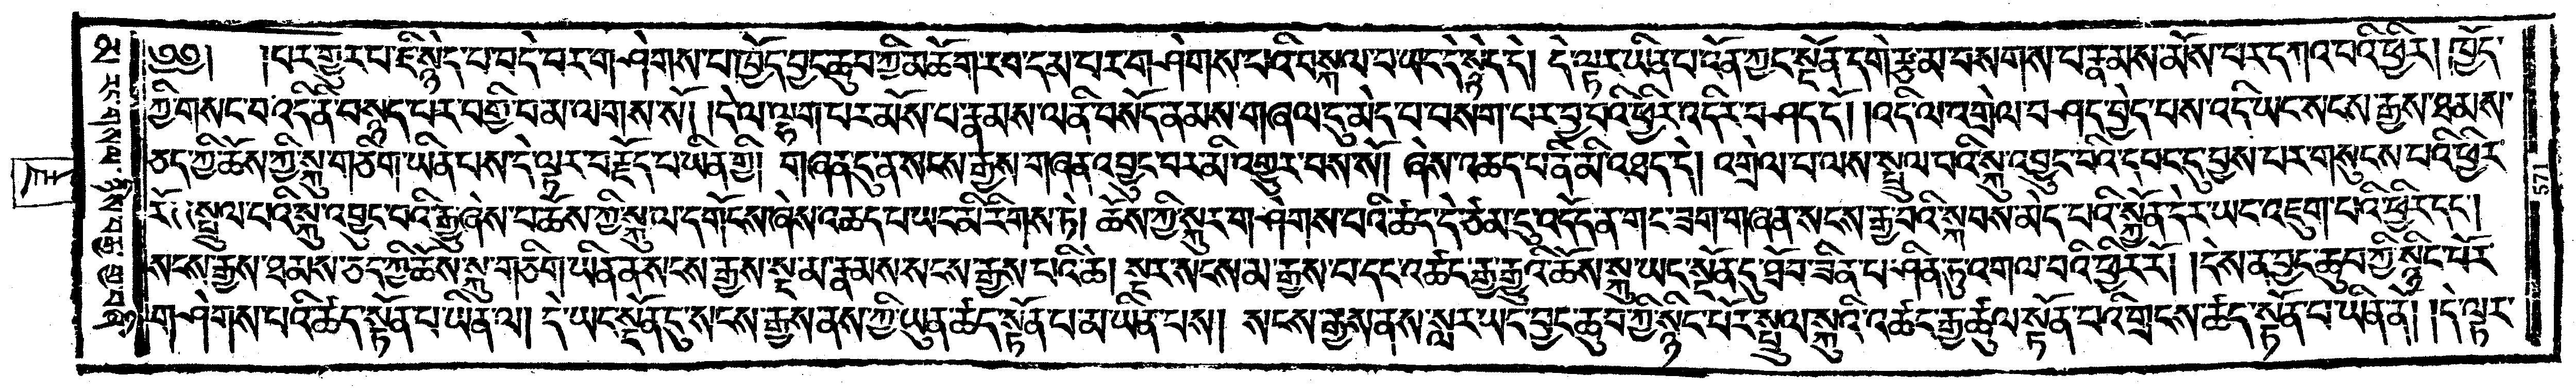༄༅། །ཡིད་སྐྱེ་བ་མིན་ཏེ། དེ་བས་ན་མགོན་པོ་སངས་རྒྱས་རྣམས་མཆོག་ཏུ་རབ་ཏུ་ཞི་བ་ཕྱོགས་གཅིག་པར་གཤེགས་པར་འགྱུར་བ་མ་ལགས་སོ། །གང་གི་ཕྱིར་ན་དེ་ཁོ་ན་ཉིད་ཀྱི་དོན་ལ་མི་མཁས་པས་དངོས་པོ་ལ་བདེན་པར་མངོན་པར་
ཞེན་པའི་བློ་ཅན་ལས་འབྲས་ལ་ཡིད་ཆེས་པས་ལྷ་དང་མིར་སྐྱེ་བ་ཡོད་པར་ལྟ་བ་རྣམས་ཀྱིས་ནི། སྐྱེ་བ་དང་འཇིག་པའི་གནས་སྐབས་ཏེ་འཆི་བའི་སྡུག་བསྔལ་ངེས་པར་འཐེབ་ཅིང་། ཡུལ་སྡུག་པ་དང་བྲལ་བ་དང་། མི་སྡུག་པ་དང་ཕྲད་པ་
ཡིས་བསྐྱེད་པའི་སྡུག་བསྔལ་མྱོང་བར་འགྱུར་ལ། རྒྱུ་འབྲས་ཀྱི་དངོས་པོ་མེད་པར་ཞེན་པའི་བློ་ཅན་ལོག་པར་ལྟ་བ་དང་ལྡན་པས་ནི། སྡིག་ཏོ་ཅན་གྱི་འགྲོ་བ་དམྱལ་བ་ལ་སོགས་པའི་ངན་འགྲོ་དང་། སྔར་བཤད་པའི་སྡུག་བསྔལ་ཡང་
འཐོབ་པ་དེའི་ཕྱིར་དང་། འཇིག་རྟེན་གྱི་སྐྱེ་བོ་དེ་རྣམས་ཐུགས་བརྩེ་བ་ཆེན་པོའི་ཡུལ་དུ་རབ་ཏུ་དོང་བ་སྟེ་སོང་བས་ན། ཐུགས་རྗེ་ཆེན་པོས་བཅོམ་ལྡན་འདས་ཁྱོད་ཀྱི་ཐུགས་ཞི་བ་ཕྱོགས་གཅིག་པ་ལ་གཞོལ་བ་ལས་བཟློག་པས་ཁྱོད་ལ་
ཞི་བ་ཕྱོགས་གཅིག་པའི་མྱ་ངན་ལས་འདས་པ་མི་མངའ་བར་འཇིག་རྟེན་དུ་བཞུགས་སོ། །གསུམ་པ་བསྟན་བཅོས་ཇི་ལྟར་བརྩམས་པའི་ཚུལ་ནི། མགོན་པོ་ཀླུ་སྒྲུབ་ཀྱི་དགོངས་པ་ཕྱིན་ཅི་མ་ལོག་པར་འགྲེལ་པའི་ལུགས་འདི་
དགེ་སློང་དཔལ་ལྡན་ཟླ་གྲགས་ཀྱིས། དབུ་མའི་བསྟན་བཅོས་རྩ་བ་ཤེས་རབ་སོགས་ལས་བཏུས་ནས། ངེས་དོན་གྱི་མདོ་སྡེ་རྣམས་ལུང་ཇི་ལྟ་བ་བཞིན་དང་། འཕགས་པ་ཀླུ་སྒྲུབ་ཀྱི་མན་ངག་ནི་ཇི་ལྟ་བ་བཞིན་དུ་བརྗོད་པ་ཡིན་